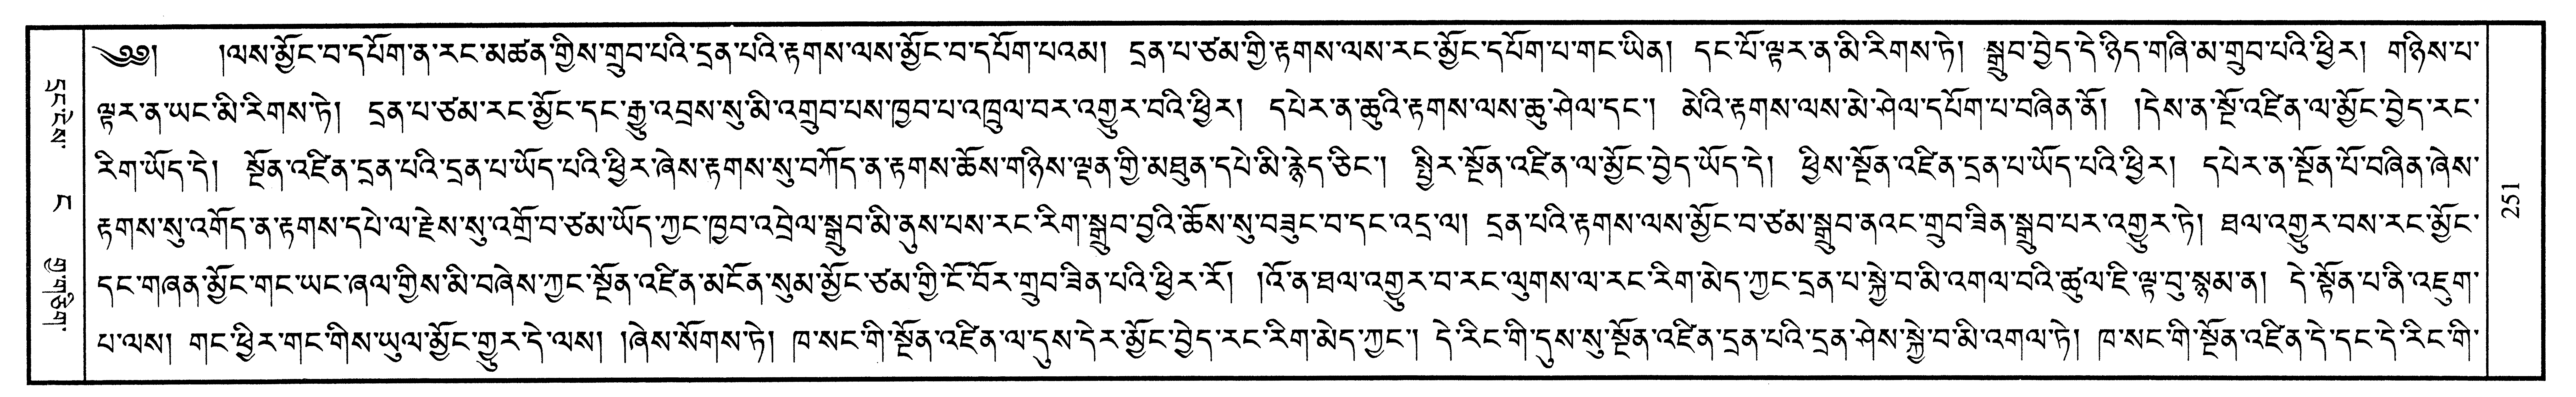༄༅། །ལས་མྱོང་བ་དཔོག་ན་རང་མཚན་གྱིས་གྲུབ་པའི་དྲན་པའི་རྟགས་ལས་མྱོང་བ་དཔོག་པའམ། དྲན་པ་ཙམ་གྱི་རྟགས་ལས་རང་མྱོང་དཔོག་པ་གང་ཡིན། དང་པོ་ལྟར་ན་མི་རིགས་ཏེ། སྒྲུབ་བྱེད་དེ་ཉིད་གཞི་མ་གྲུབ་པའི་ཕྱིར། གཉིས་པ་
ལྟར་ན་ཡང་མི་རིགས་ཏེ། དྲན་པ་ཙམ་རང་མྱོང་དང་རྒྱུ་འབྲས་སུ་མི་འགྲུབ་པས་ཁྱབ་པ་འཁྲུལ་བར་འགྱུར་བའི་ཕྱིར། དཔེར་ན་ཆུའི་རྟགས་ལས་ཆུ་ཤེལ་དང་། མེའི་རྟགས་ལས་མེ་ཤེལ་དཔོག་པ་བཞིན་ནོ། །དེས་ན་སྔོ་འཛིན་ལ་མྱོང་བྱེད་རང་
རིག་ཡོད་དེ། སྔོན་འཛིན་དྲན་པའི་དྲན་པ་ཡོད་པའི་ཕྱིར་ཞེས་རྟགས་སུ་བཀོད་ན་རྟགས་ཆོས་གཉིས་ལྡན་གྱི་མཐུན་དཔེ་མི་རྙེད་ཅིང་། སྤྱིར་སྔོན་འཛིན་ལ་མྱོང་བྱེད་ཡོད་དེ། ཕྱིས་སྔོན་འཛིན་དྲན་པ་ཡོད་པའི་ཕྱིར། དཔེར་ན་སྔོན་པོ་བཞིན་ཞེས་
རྟགས་སུ་འགོད་ན་རྟགས་དཔེ་ལ་རྗེས་སུ་འགྲོ་བ་ཙམ་ཡོད་ཀྱང་ཁྱབ་འབྲེལ་སྒྲུབ་མི་ནུས་པས་རང་རིག་སྒྲུབ་བྱའི་ཆོས་སུ་བཟུང་བ་དང་འདྲ་ལ། དྲན་པའི་རྟགས་ལས་མྱོང་བ་ཙམ་སྒྲུབ་ནའང་གྲུབ་ཟིན་སྒྲུབ་པར་འགྱུར་ཏེ། ཐལ་འགྱུར་བས་རང་མྱོང་
དང་གཞན་མྱོང་གང་ཡང་ཞལ་གྱིས་མི་བཞེས་ཀྱང་སྔོན་འཛིན་མངོན་སུམ་མྱོང་ཙམ་གྱི་ངོ་བོར་གྲུབ་ཟིན་པའི་ཕྱིར་རོ། །འོ་ན་ཐལ་འགྱུར་བ་རང་ལུགས་ལ་རང་རིག་མེད་ཀྱང་དྲན་པ་སྐྱེ་བ་མི་འགལ་བའི་ཚུལ་ཇི་ལྟ་བུ་སྙམ་ན། དེ་སྟོན་པ་ནི་འཇུག་
པ་ལས། གང་ཕྱིར་གང་གིས་ཡུལ་མྱོང་གྱུར་དེ་ལས། །ཞེས་སོགས་ཏེ། ཁ་སང་གི་སྔོན་འཛིན་ལ་དུས་དེར་མྱོང་བྱེད་རང་རིག་མེད་ཀྱང་། དེ་རིང་གི་དུས་སུ་སྔོན་འཛིན་དྲན་པའི་དྲན་ཤེས་སྐྱེ་བ་མི་འགལ་ཏེ། ཁ་སང་གི་སྔོན་འཛིན་དེ་དང་དེ་རིང་གི་